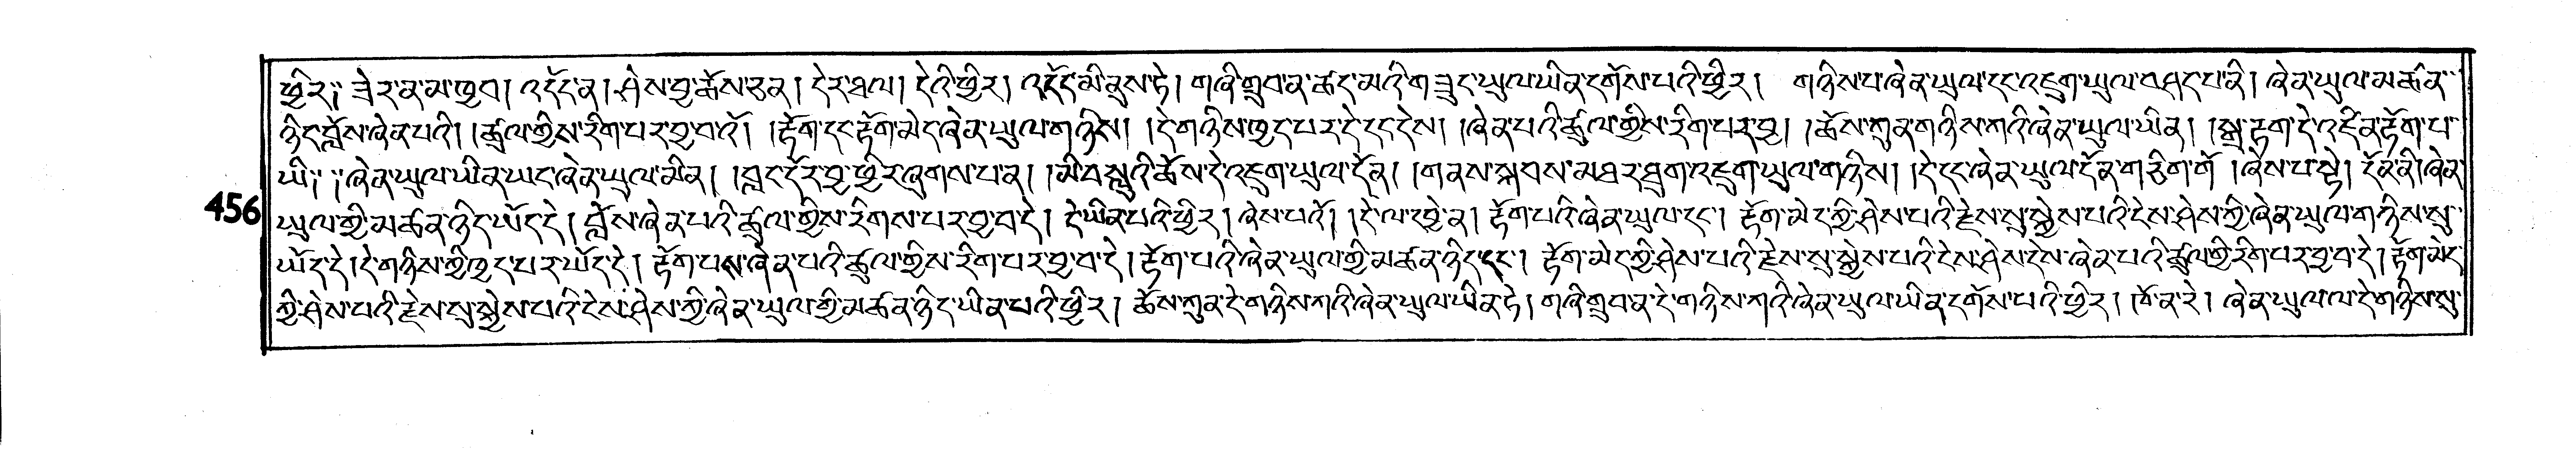ཕྱིར༑ ཟེར་ན་མ་ཁྱབ། འདོད་ན། ཤེས་བྱ་ཆོས་ཅན། དེར་ཐལ། དེའི་ཕྱིར། འདོད་མི་ནུས་ཏེ། གཞི་གྲུབ་ན་ཚད་མའི་གཟུང་ཡུལ་ཡིན་དགོས་པའི་ཕྱིར། གཉིས་པ་ཞེན་ཡུལ་དང་འཇུག་ཡུལ་བཤད་པ་ནི། ཞེན་ཡུལ་མཚན་
ཉིད་བློས་ཞེན་པའི། །ཚུལ་གྱིས་རིག་པར་བྱ་བའོ། །རྟོག་དང་རྟོག་མེད་ཞེན་ཡུལ་གཉིས། །དེ་གཉིས་ཁྱད་པར་དེ་དང་དེས། །ཞེན་པའི་ཚུལ་གྱིས་རིག་པར་བྱ། །ཆོས་ཀུན་གཉིས་ཀའི་ཞེན་ཡུལ་ཡིན། །སྒྲ་རྟག་དེ་འཛིན་རྟོག་པ་
ཡི༑ ༑ཞེན་ཡུལ་ཡིན་ཡང་ཞེན་ཡུལ་མིན། །བླང་དོར་བྱ་ཕྱིར་ཞུགས་པ་ན། །མི་བསླུའི་ཆོས་དེ་འཇུག་ཡུལ་དོན། །གནས་སྐབས་མཐར་ཐུག་འཇུག་ཡུལ་གཉིས། །དེ་དང་ཞེན་ཡུལ་དོན་གཅིག་གོ། །ཞེས་པ་སྟེ། དོན་ནི། ཞེ་ན་
ཡུལ་གྱི་མཚན་ཉིད་ཡོད་དེ། བློས་ཞེན་པའི་ཚུལ་གྱིས་རིགས་པར་བྱ་བ་དེ། དེ་ཡིན་པའི་ཕྱིར། ཞེས་པའོ། །དེ་ལ་དབྱེ་ན། རྟོག་པའི་ཞེན་ཡུལ་དང་། རྟོག་མེད་ཀྱི་ཤེས་པའི་རྗེས་སུ་སྐྱེས་པའི་ངེས་ཤེས་ཀྱི་ཞེན་ཡུལ་གཉིས་སུ་
ཡོད་དེ། དེ་གཉིས་ཀྱི་ཁྱད་པར་ཡོད་དེ། རྟོག་པས་ཞེན་པའི་ཚུལ་གྱིས་རིག་པར་བྱ་བ་དེ། རྟོག་པའི་ཞེན་ཡུལ་གྱི་མཚན་ཉིད་དང་། རྟོག་མེད་ཀྱི་ཤེས་པའི་རྗེས་སུ་སྐྱེས་པའི་ངེས་ཤེས་དེས་ཞེན་པའི་ཚུལ་གྱི་རིག་པར་བྱ་བ་དེ། རྟོག་མེད་
ཀྱི་ཤེས་པའི་རྗེས་སུ་སྐྱེས་པའི་ངེས་ཤེས་ཀྱི་ཞེན་ཡུལ་གྱི་མཚན་ཉིད་ཡིན་པའི་ཕྱིར། ཆོས་ཀུན་དེ་གཉིས་ཀའི་ཞེན་ཡུལ་ཡིན་ཏེ། གཞི་གྲུབ་ན་དེ་གཉིས་ཀའི་ཞེན་ཡུལ་ཡིན་དགོས་པའི་ཕྱིར། ཁོ་ན་རེ། ཞེ་ན་ཡུལ་ལ་དེ་གཉིས་སུ་